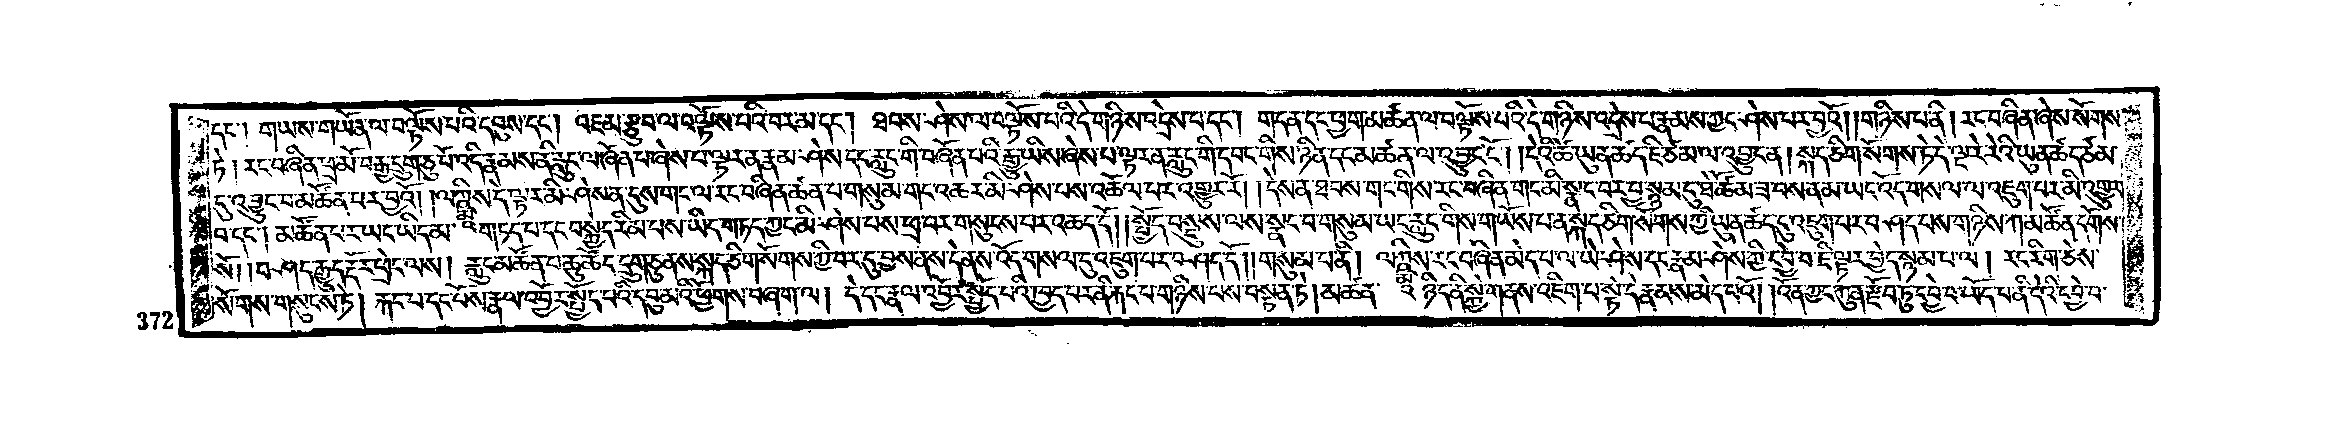དང་། གཡས་གཡོན་ལ་བལྟོས་པའི་དབུས་དང་། འཇམ་རྩུབ་ལ་བལྟོས་པའི་བར་མ་དང་། ཐབས་ཤེས་ལ་བལྟོས་པའི་དེ་གཉིས་འདྲེས་པ་དང་། གདན་དང་ཕྱག་མཚན་ལ་བལྟོས་པའི་དེ་གཉིས་འདྲེས་པ་རྣམས་ཀྱང་ཤེས་པར་བྱའོ། །གཉིས་པ་ནི། རང་བཞིན་ཞེས་སོགས་
ཏེ། རང་བཞིན་ཕྲ་མོ་བརྒྱ་དྲུག་ཅུ་པོ་འདི་རྣམས་ནི་རླུང་ལ་ཞོན་པ་ཞེས་པ་ལྟར་ན་རྣམ་ཤེས་དང་རླུང་གི་བཞོན་པའི་རྒྱུ་ཡིས་ཞེས་པ་ལྟར་ན་རླུང་གི་དབང་གིས་ཉིན་དང་མཚན་ལ་འབྱུང་ངོ། །དེའི་ཚེ་ཡུན་ཚད་ཇི་ཙམ་ལ་འབྱུང་ན། སྐད་ཅིག་སོགས་ཏེ་དེ་ལྔ་རེ་རེའི་ཡུན་ཚད་ཙམ་
དུ་འབྱུང་བ་མཚོན་པར་བྱའོ། །ལཀིཥྨཱིས་དེ་ལྟར་མི་ཤེས་ན་དུས་གང་ལ་རང་བཞིན་ཚན་པ་གསུམ་གང་འཆར་མི་ཤེས་པས་འཆོལ་པར་འགྱུར་རོ། །དེས་ན་ཐབས་གང་གིས་རང་བཞིན་གང་མི་སྣང་བར་བྱ་སྙམ་དུ་ཐེ་ཚོམ་ཟ་བས་ནམ་ཡང་འོད་གསལ་ལ་འཇུག་པར་མི་འགྱུར་
བ་དང་། མཚོན་པར་ཡང་ཡིད་མ་གཏད་པ་དང་བསྐྱེད་རིམ་པས་ཡིད་གཏད་ཀྱང་མི་ཤེས་པས་ཕྲ་བར་གསུངས་པར་འཆད་དོ། །སྤྱོད་བསྡུས་ལས་སྣང་བ་གསུམ་ཡང་རླུང་གིས་གཡོས་པ་ན་སྐད་ཅིག་སོགས་ཀྱི་ཡུན་ཚད་དུ་འཇུག་པར་བཤད་པས་གཉིས་ཀ་མཚོན་དགོས་
སོ། །བཤད་རྒྱུད་རྡོར་ཕྲེང་ལས། རླུང་མཚོན་པ་ཆུ་ཚོད་དྲུག་ཅུ་ནས་སྐད་ཅིག་སོགས་ཀྱི་བར་དུ་བྱས་ནས་དེ་ནས་འོད་གསལ་དུ་འཇུག་པར་བཤད་དོ། །གསུམ་པ་ནི། ལཀྵྨཱིས་རང་བཞིན་མེད་པ་ལ་ཡེ་ཤེས་དང་རྣམ་ཤེས་ཀྱི་དབྱེ་བ་ཇི་ལྟར་བྱེད་སྙམ་པ་ལ། རང་རིག་ཅེས་
སོགས་གསུངས་ཏེ། རྐང་པ་དང་པོས་རྣལ་འབྱོར་སྤྱོད་པའི་དབུ་མའི་ཕྱོགས་བཞག་ལ། དེ་དང་རྣལ་འབྱོར་སྤྱོད་པའི་ཁྱད་པར་ནི་རྐང་པ་གཉིས་པས་བསྟན་ཏེ། མཚན་ཉིད་ནི་སྐྱེ་གནས་འཇིག་པ་སྟེ་དེ་རྣམས་མེད་པའོ། །འོན་ཀྱང་ཀུན་རྫོབ་ཏུ་དབྱེ་བ་ཡོད་པ་ནི་དེའི་དབྱེ་བ་